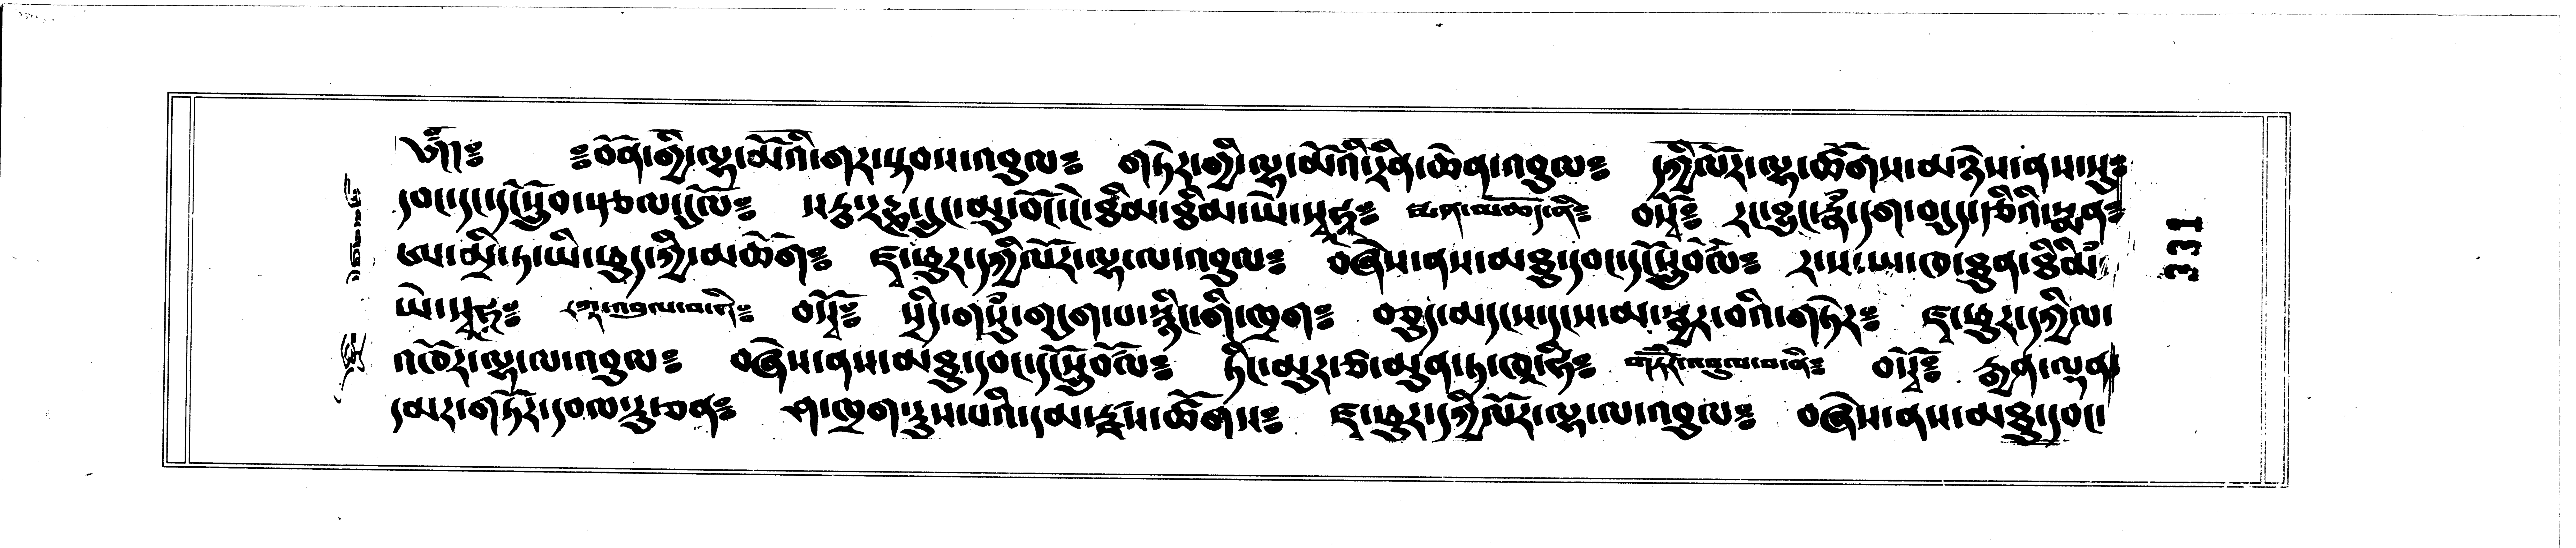བོན་གྱི་ལྷ་མོའི་གར་སྟབས་འབུལ༔ གཏེར་གྱི་ལྷ་མོའི་རིན་ཆེན་འབུལ༔ དཀྱིལ་འཁོར་ལྷ་ཚོགས་མཉེས་ནས་སུ༔ 
དབང་དང་དངོས་གྲུབ་སྩལ་དུ་གསོལ༔ སརྦ་རདྞ་དྲུང་མུ་བོང་ངེ་ཐིམ་ཐིམ་ཡེ་སྭཱཧཱ༔ སྨན་མཆོད་ནི༔ བསྭོ༔ རང་བྱུང་རྣམ་དག་བདུད་རྩིའི་སྨན༔ 
ཨ་མྲི་ཏ་ཡི་ཕུད་ཀྱི་མཆོག༔ ཛྭ་ཕུར་དཀྱིལ་འཁོར་ལྷ་ལ་འབུལ༔ བཞེས་ནས་མཐུ་དབང་དངོས་གྲུབ་སྩོལ༔ ར་ས་ཡ་ཁ་ཐུན་ཐིམ་ཐིམ་
ཡེ་སྭཱཧཱ༔ རཀྟ་འབུལ་བ་ནི༔ བསྭོ༔ སྲིད་གསུམ་གདུག་པ་སྙིང་གི་ཁྲག༔ བཅུད་མདངས་དངས་མ་སྦྱར་བའི་གཏེར༔ ཛྭ་ཕུར་དཀྱིལ་
འཁོར་ལྷ་ལ་འབུལ༔ བཞེས་ནས་མཐུ་དབང་དངོས་གྲུབ་སྩོལ༔ ཏིང་མུར་ཙ་མུན་ཏ་ཁཱ་ཧི༔ གཏོར་མ་འབུལ་བ་ནི༔ བསྭོ༔ རྒྱན་ལྡན་
དམར་གཏོར་དབལ་རུ་ཅན༔ ཤ་ཁྲག་རུས་པའི་དམ་རྫས་ཚོགས༔ ཛྭ་ཕུར་དཀྱིལ་འཁོར་ལྷ་ལ་འབུལ༔ བཞེས་ནས་མཐུ་དབང་